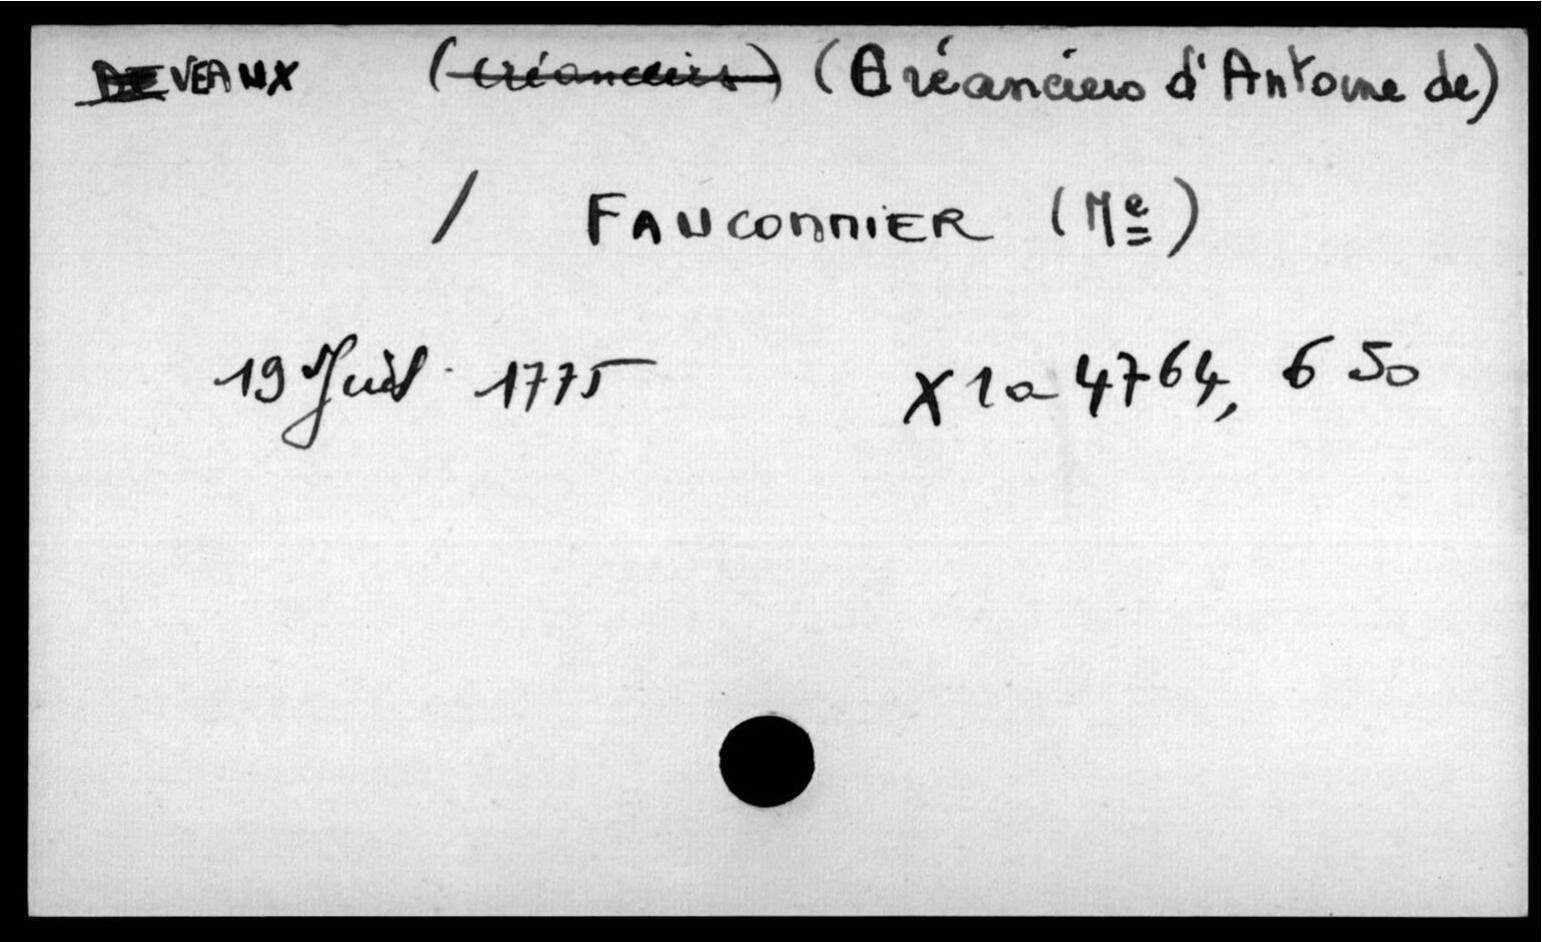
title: VEAUX (créanciers d'Antoine de)
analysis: Contre FAUCONNIER (Maître)
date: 19 juillet 1775
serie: X1a
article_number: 4764
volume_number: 650
